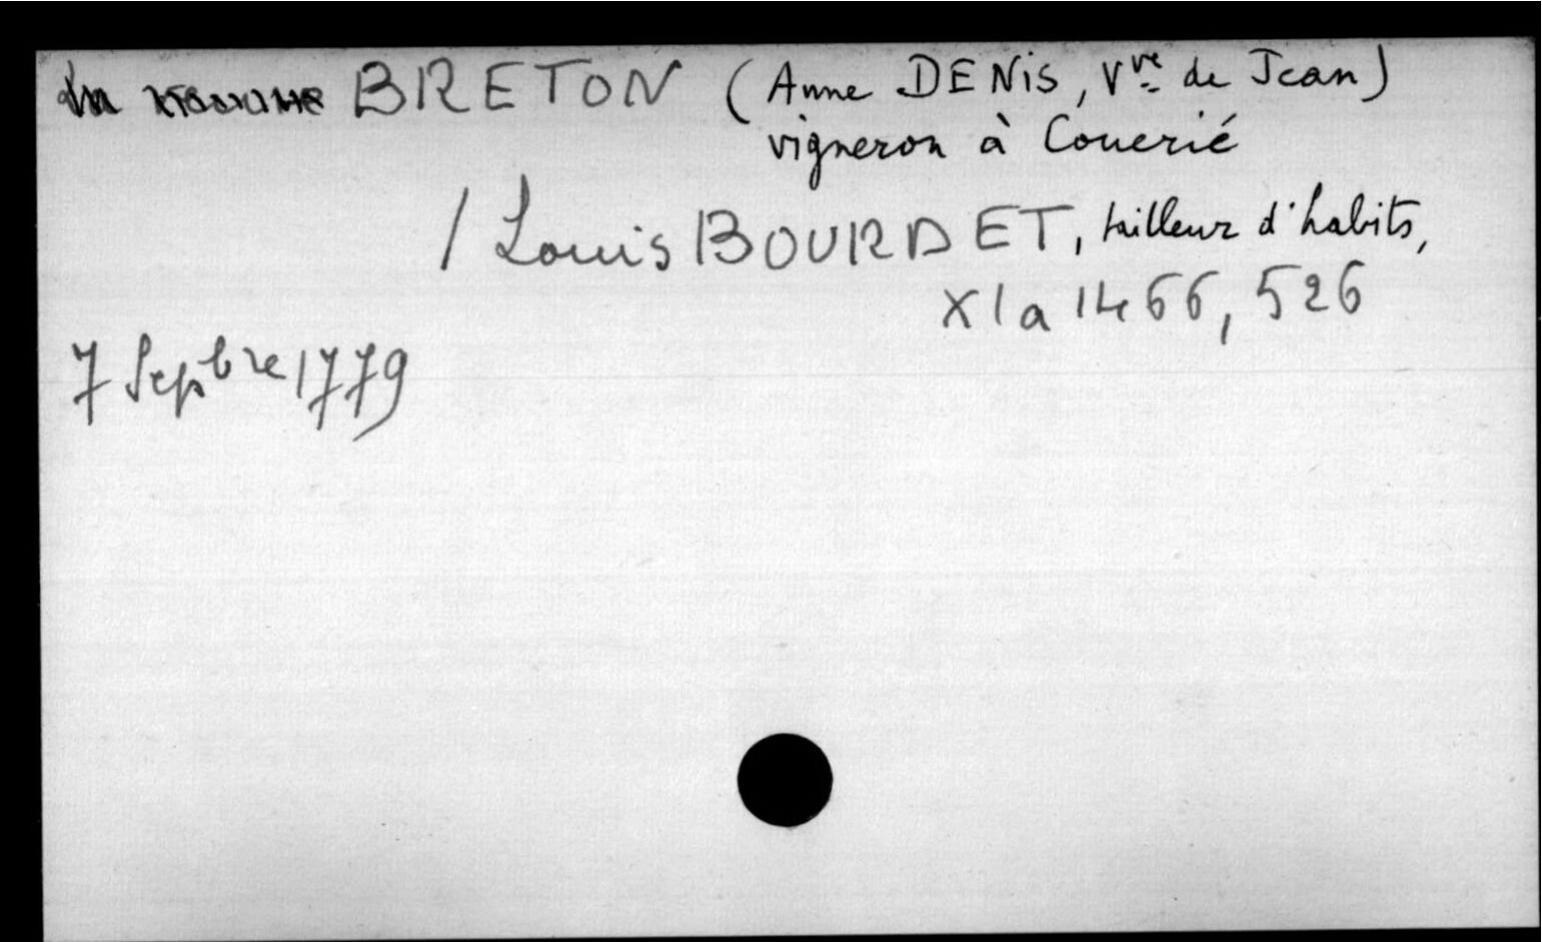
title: BRETON (Anne DENIS, veuve de Jean) vigneron à Couerié
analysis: Contre Louis BOURDET, tailleur d'habits
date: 7 septembre 1779
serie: X1a
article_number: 1466
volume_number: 526
